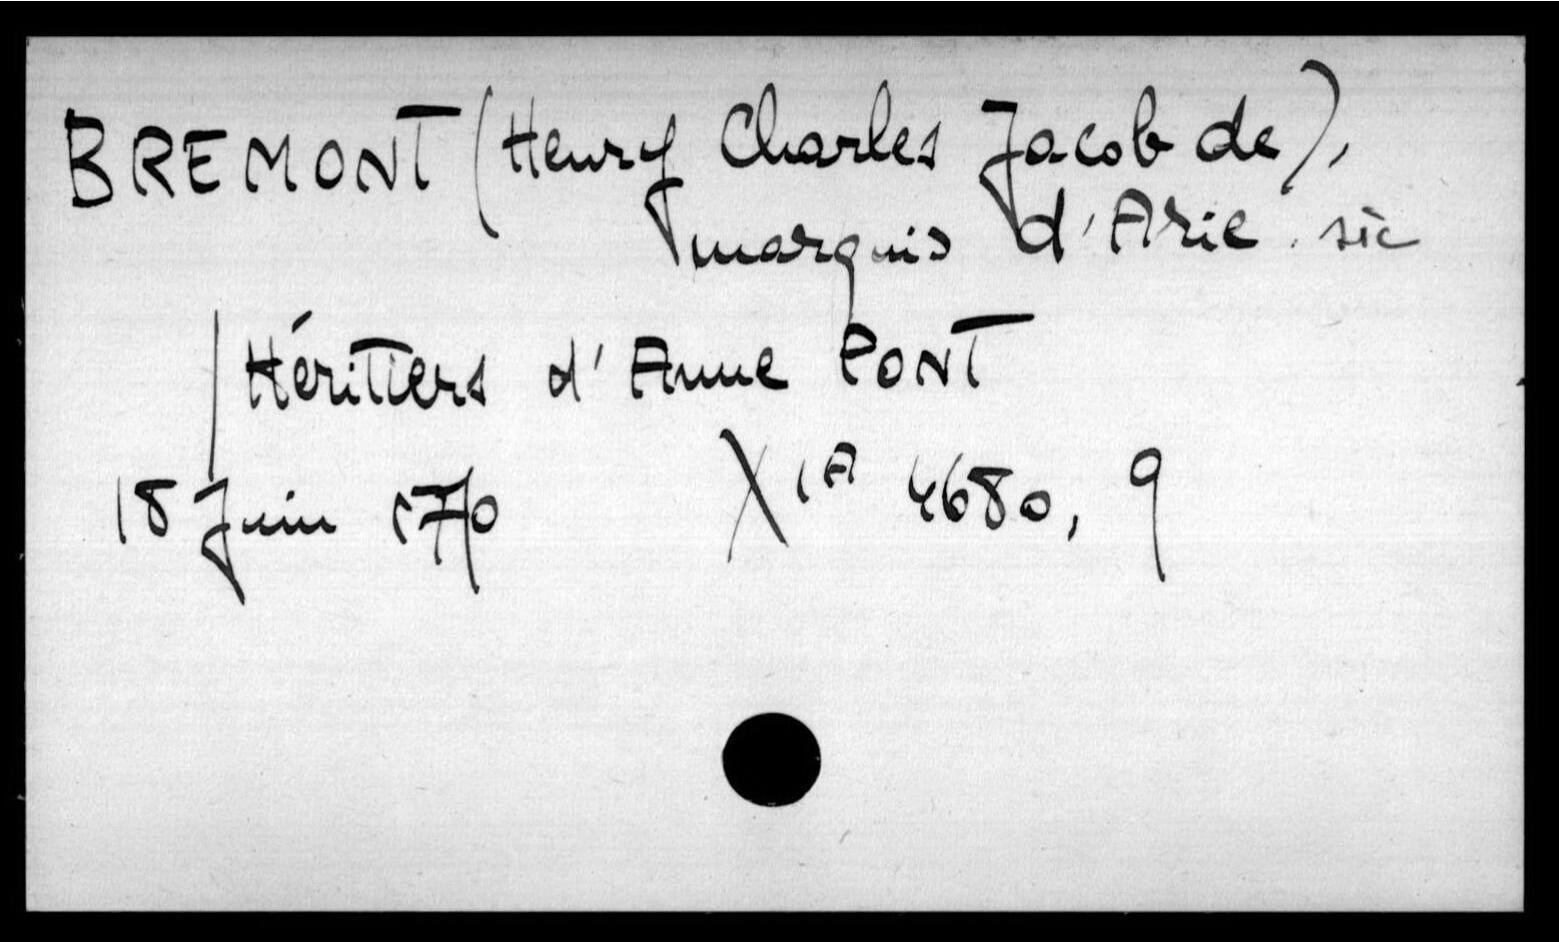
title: BREMONT (Henry Charles Jacob de), marquis d'Arie, sic
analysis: Contre Héritiers d'Anne PONT
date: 18 juin 1770
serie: X1A
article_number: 4680
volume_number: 9
